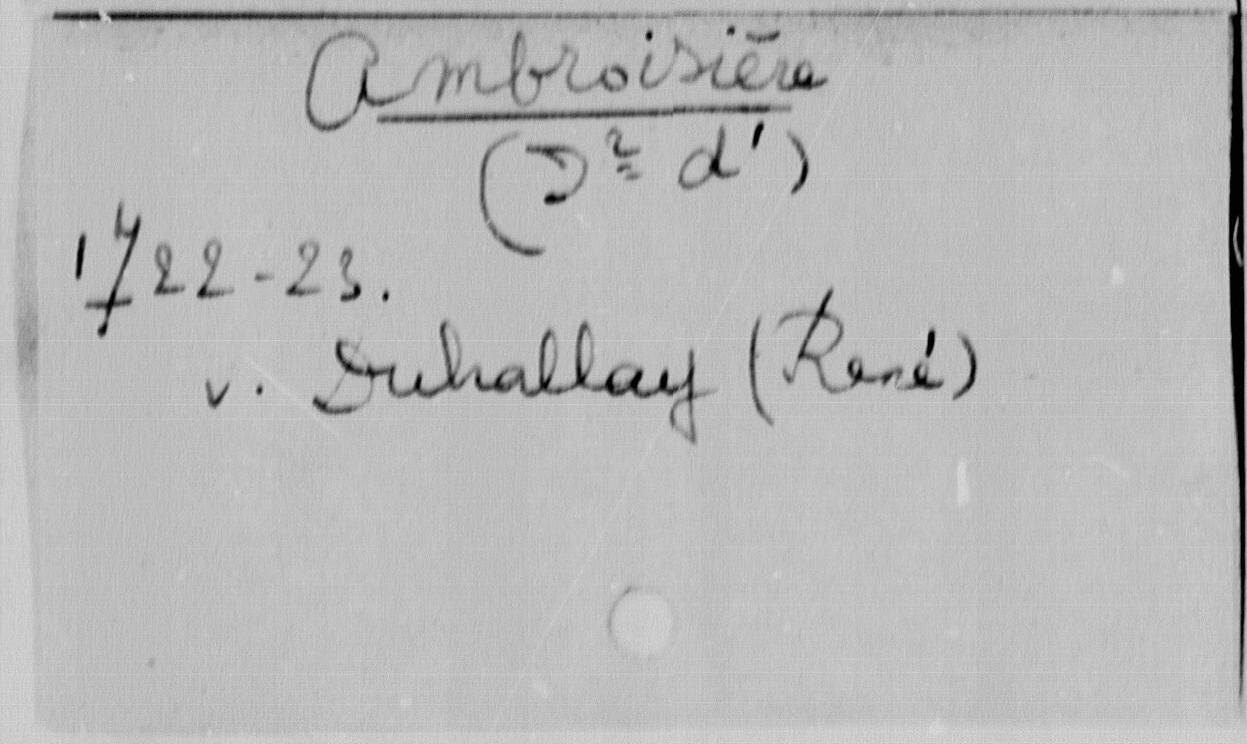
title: AMBROISIÈRE (Dr. d')
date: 1722-1723
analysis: Voir DUHALLAY (René)
